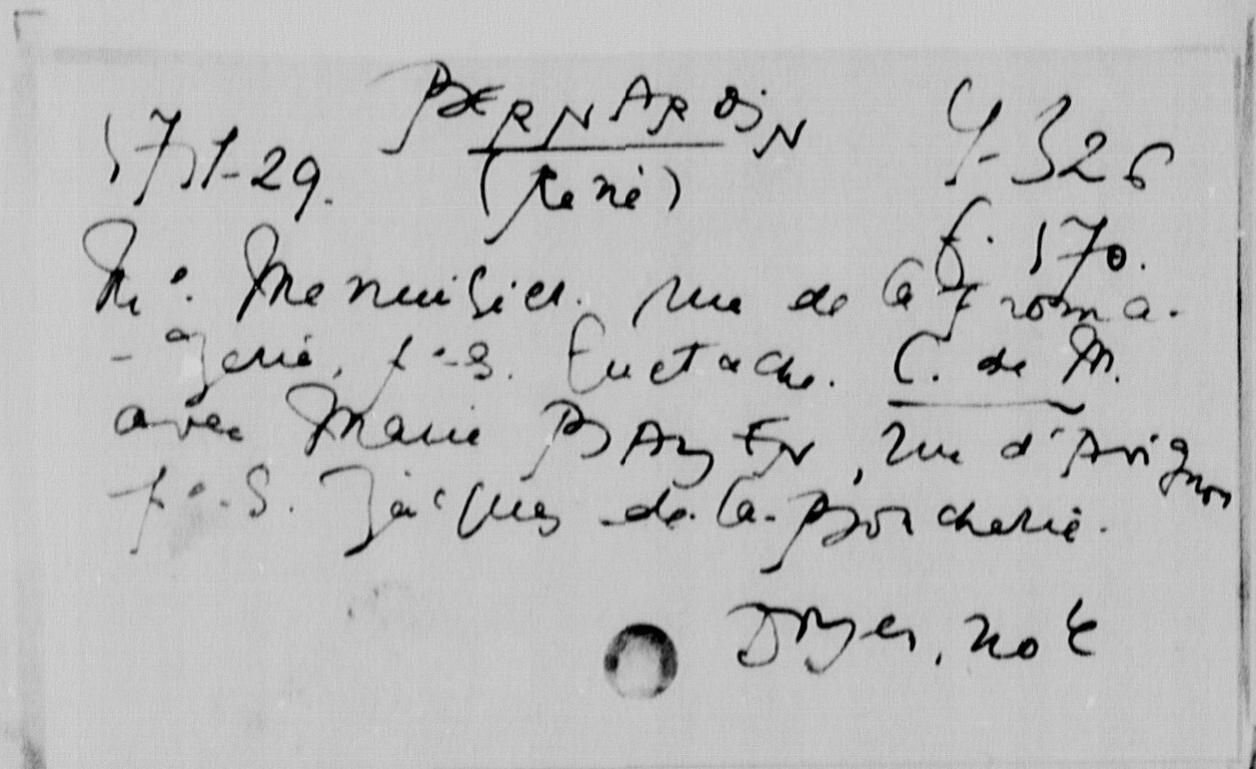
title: BERNARDIN (René)
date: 1701-1729
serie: Y
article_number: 326
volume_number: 170
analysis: Maître Menuisier, rue de la Fromagerie, paroisse Saint-Eustache. Contrat de mariage avec Marie Bayen, rue d'Avignon, paroisse Saint-Jacques-de-la-Boucherie. Dyer, notaire.
